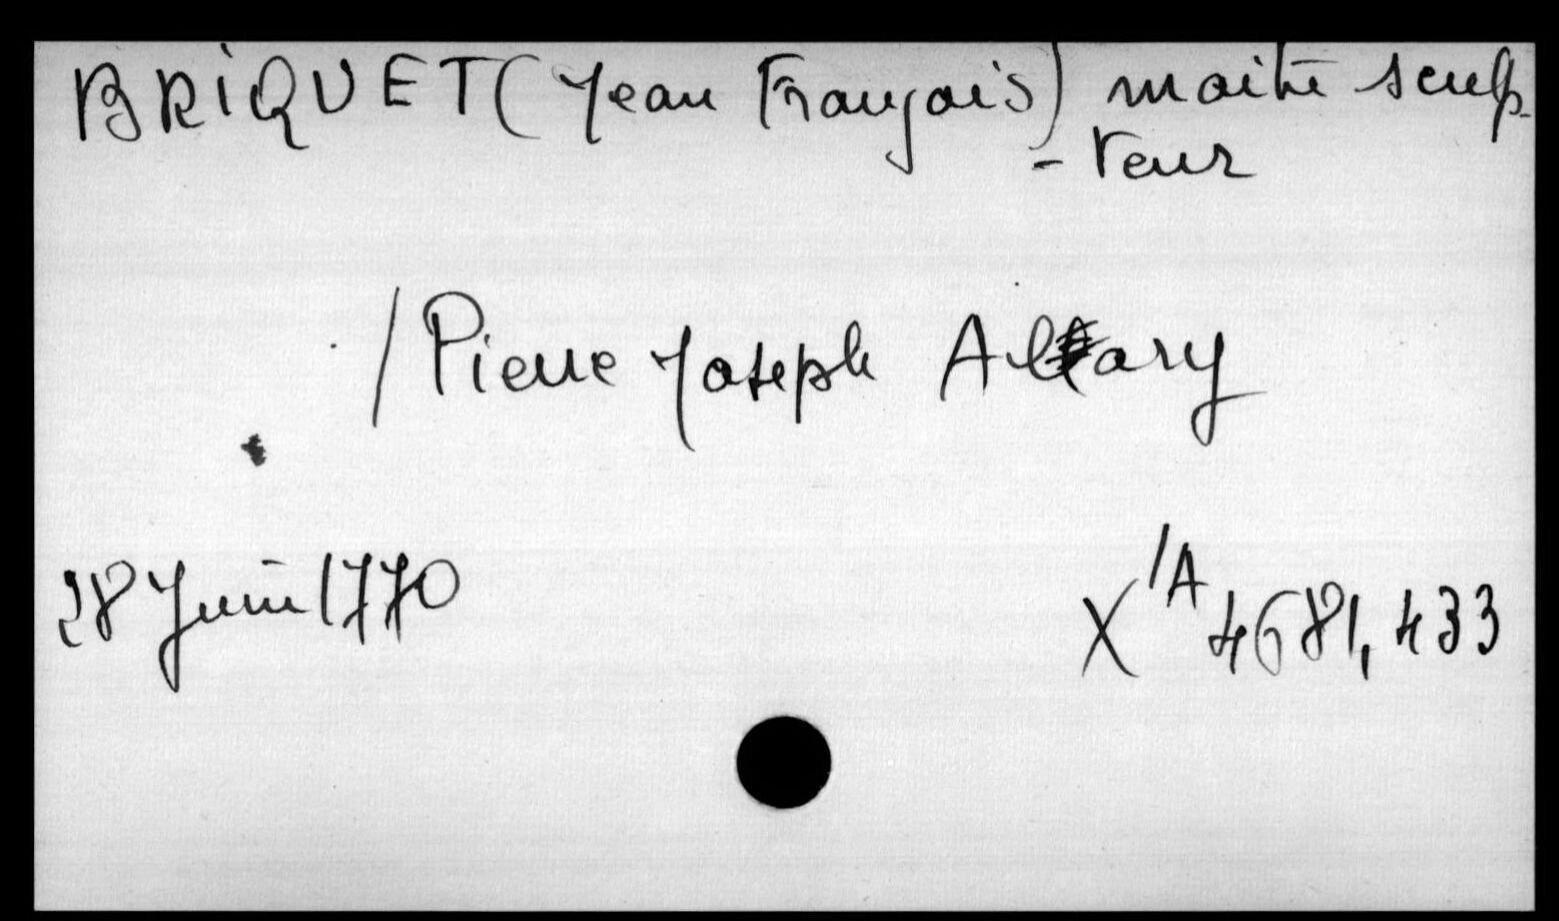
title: BRIQUET (Jean François) maître sculpteur
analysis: Contre Pierre Joseph Alary
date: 28 juin 1770
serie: X1A
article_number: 4681
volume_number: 433
